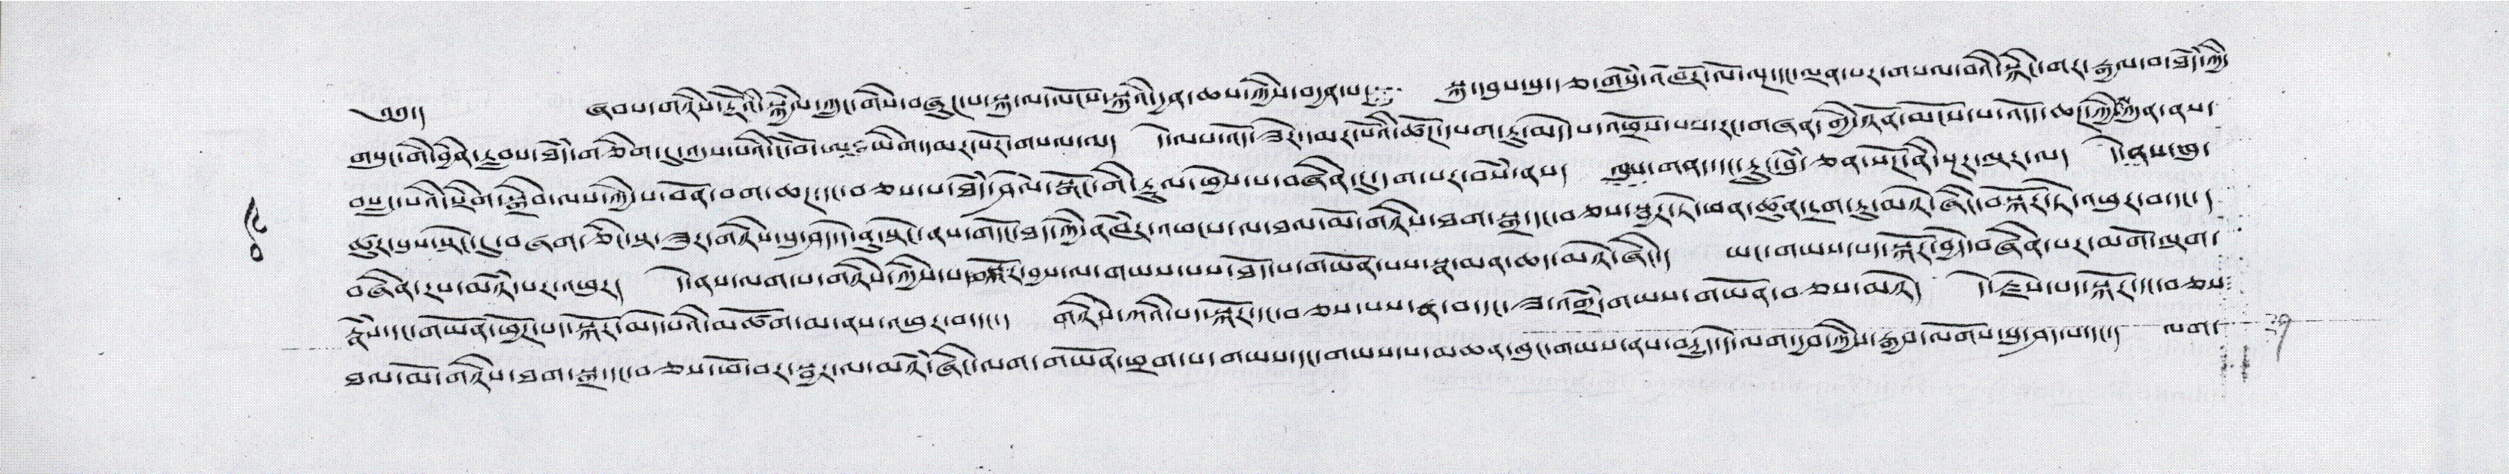ཞབས་གཉིས་རྡོ་རྗེའི་སྐྱིལ་ཀྲུང་གིས་བཞུགས་པ་སྐུ་ལ་ལོངས་སྐུའི་རྒྱན་ཆས་ཀྱིས་བརྒྱན་པ། སྐུ་དབུས་སུ་རྩ་གསུམ་འཁོར་ལོ་ལྔ་དང་ལྡན་པར་གསལ་བའི་སྙིང་གར་རྒྱལ་བ་ཐམས་ཅད་ཀྱི་
གསུང་གི་བྱིན་རླབས་ཐམས་ཅད་གཅིག་ཏུ་འདུས་པའི་ངོ་བོ་ཨཿཡིག་དམར་པོར་གསལ་ལ། དེ་ལས་འོད་ཟེར་དམར་པོའི་ཚོགས་དཔག་ཏུ་མེད་པ་འཕྲོས་པས། རང་གཞན་གྱི་ཉོན་མོངས་པ་འདོད་ཆགས་ཀྱིས་ཀུན་ནས་
བསླངས་པའི་སྡིག་སྒྲིབ་ལས་ཀྱི་ས་བོན་བག་ཆགས་དང་བཅས་པ་ཐམས་ཅད་ཤེལ་སྒོང་གི་རྡུལ་ཕྱིས་པ་བཞིན་དུ་དག་པར་བསམ་ནས། ལུས་གནད་དང་རླུང་བུམ་ཅན་སོགས་ནི་སྔར་ལྟར་ལ། དེ་ནས་ཁུ་
ཚུར་པུས་སྟེང་དུ་བཞག་ཅིང་སྟ་ཟུར་གཉིས་སུ་ཤད་དེ་ནུ་སྟེང་ནས་གདོང་ཐད་ཀྱི་ནམ་མཁར་འཕངས་ལ་ཐལ་མོ་གཉིས་ཐག་སྒྲ་དང་བཅས་སྦྱར་ཏེ་ཕན་ཚུན་དྲག་ཏུ་མཉེ་ཞིང་བསྐོར་ཏེ་འཕུར་བ་དང་
བཞིན་རས་མཉམ་པར་འཕུར། དེ་ནས་ལག་པ་གཉིས་ཀྱིས་པད་སྐོར་བྱས་ལ་གཡས་པས་ཐོད་པ་གཡོན་པས་སྣ་མན་ཆད་མཉེ་ཞིང་ཡང་གཡས་པད་སྐོར་བྱེད་བཞིན་པར་མགོ་ལྟག་
རྣམས་དང་གཡོན་ཕྱོགས་པད་སྐོར་མེད་པའི་འཚོག་མ་ནས་ཕུར་བ་དང་། གཉིས་ཀའི་པད་སྐོར་དང་བཅས་པས་རྣ་བ་དང་ཟ་འགྲམ་གཡས་གཡོན་བཅས་མཉེ། དེ་རྗེས་པད་སྐོར་དང་བཅས་
ཐལ་མོ་གཉིས་ཐག་སྒྲ་དང་བཅས་ཕོ་བར་སྦྱར་ལ་མཉམ་ཞིང་ལག་གཡོན་འཕྲག་པ་གཡས་དང་གཡས་པ་མཆན་ཁུང་གཡས་ནས་བརྒྱུད་དེ་ལག་རྒྱབ་ཀྱིས་རྒྱབ་ལོགས་སུ་བཤད་པ་དང་། ལག་